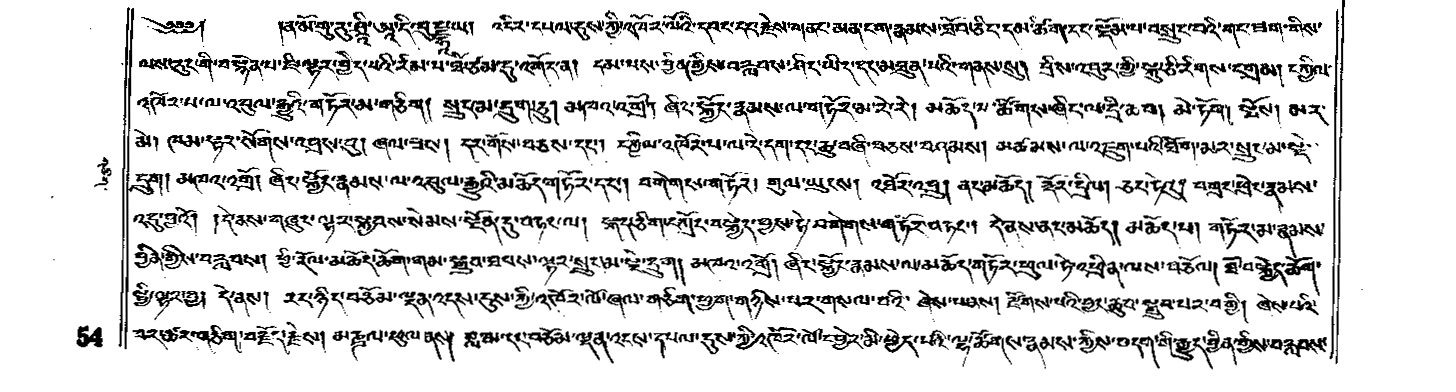༄༅༅། །ན་མོ་གུ་རུ་ཤྲཱི་ཨཱ་དི་བུདྡྷཱ་ཡ། འདིར་དཔལ་དུས་ཀྱི་འཁོར་ལོའི་དབང་དང་རྗེས་གནང་མན་ངག་རྣམས་ཐོབ་ཅིང་དམ་ཚིག་དང་སྡོམ་པ་བསྲུང་བའི་གང་ཟག་གིས་
ལས་རུང་གི་བསྙེན་པ་ཇི་ལྟར་བྱེད་པའི་རིམ་པ་ཐོ་ཙམ་དུ་འགོད་ན། དམ་པས་བྱིན་གྱིས་བརླབས་ཤིང་ཡིད་དང་མཐུན་པའི་གནས་སུ། བྲིས་འབུར་གྱི་སྐུ་ཅི་རིགས་དགྲམ། དཀྱིལ་
འཁོར་པ་ལ་འབུལ་རྒྱུའི་གཏོར་མ་གཅིག། སྲུང་མ་དྲུག་ཅུ། མཁའ་འགྲོ། ཞིང་སྐྱོད་རྣམས་ལ་གཏོར་མ་རེ་རེ། མཆོད་པ་ཚོགས་ཞིང་ལ་དྲི་ཆབ། མེ་ཏོག། སྤོས། མར་
མེ། ཁམས་སྟར་སོགས་འབྲས་བུ། ཞལ་ཟས། དར་གོས་བཅས་དང་། དཀྱིལ་འཁོར་ལ་ལ་དེ་དག་དང་ཆུ་བཞི་བཅས་བཤམས། མཚམས་ལ་འཇུག་པའི་ཐོག་མར་སྲུང་མ་སྡེ་
དྲུག། མཁའ་འགྲོ། ཞིང་སྐྱོང་རྣམས་ལ་འབུལ་རྒྱུའི་མཆོད་གཏོར་དང་། བགེགས་གཏོར། གུལ་ཡུངས། འཐོར་འབྲུ། ནང་མཆོད། རྡོར་དྲིལ། ཅང་ཏེའུ། བགྲང་ཕྲེང་རྣམས་
འདུ་བྱའོ། །དེ་ནས་གཞུང་ལྟར་སྐྱབས་སེམས་སྔོན་དུ་བཏང་ལ། སྐད་ཅིག་དཀྲོང་བསྐྱེད་བྱས་ཏེ་བགེགས་གཏོར་བཏང་། དེ་ནས་ནང་མཆོད། མཆོད་པ། གཏོར་མ་རྣམས་
བྱིན་གྱིས་བརླབས། ཕྱི་རོལ་མཆོད་ཆོག་གམ་སྒྲུབ་ཐབས་ལྟར་སྲུང་མ་སྔེ་དྲུག། མཁའ་འགྲོ། ཞིང་སྐྱོང་རྣམས་ལ་མཆོད་གཏོར་ཕུལ་ཏེ་འཕྲིན་ལས་བཅོལ། ཐོ་བསྐྱེད་ཆོག་
སྤྱི་ལྟར་བྱ། དེ་ནས། རང་ཉིད་བཅོམ་ལྡན་འདས་དུས་ཀྱི་འཁོར་ལོ་ཞལ་གཅིག་ཕྱག་གཉིས་པར་གསལ་བའི་ཞེས་པ་ནས། རྫོགས་པའི་བྱང་ཆུབ་སྒྲུབ་པར་བགྱི། ཞེས་པའི་
བར་ཚར་གཅིག་བརྗོད་རྗེས། མཎྜལ་ཕུལ་ནས། བླ་མ་དང་བཅོམ་ལྡན་འདས་དཔལ་དུས་ཀྱི་འཁོར་ལོ་དབྱེར་མི་ཕྱེད་པའི་ལྷ་ཚོགས་རྣམས་ཀྱིས་བདག་གི་རྒྱུད་བྱིན་གྱིས་བརླབས་